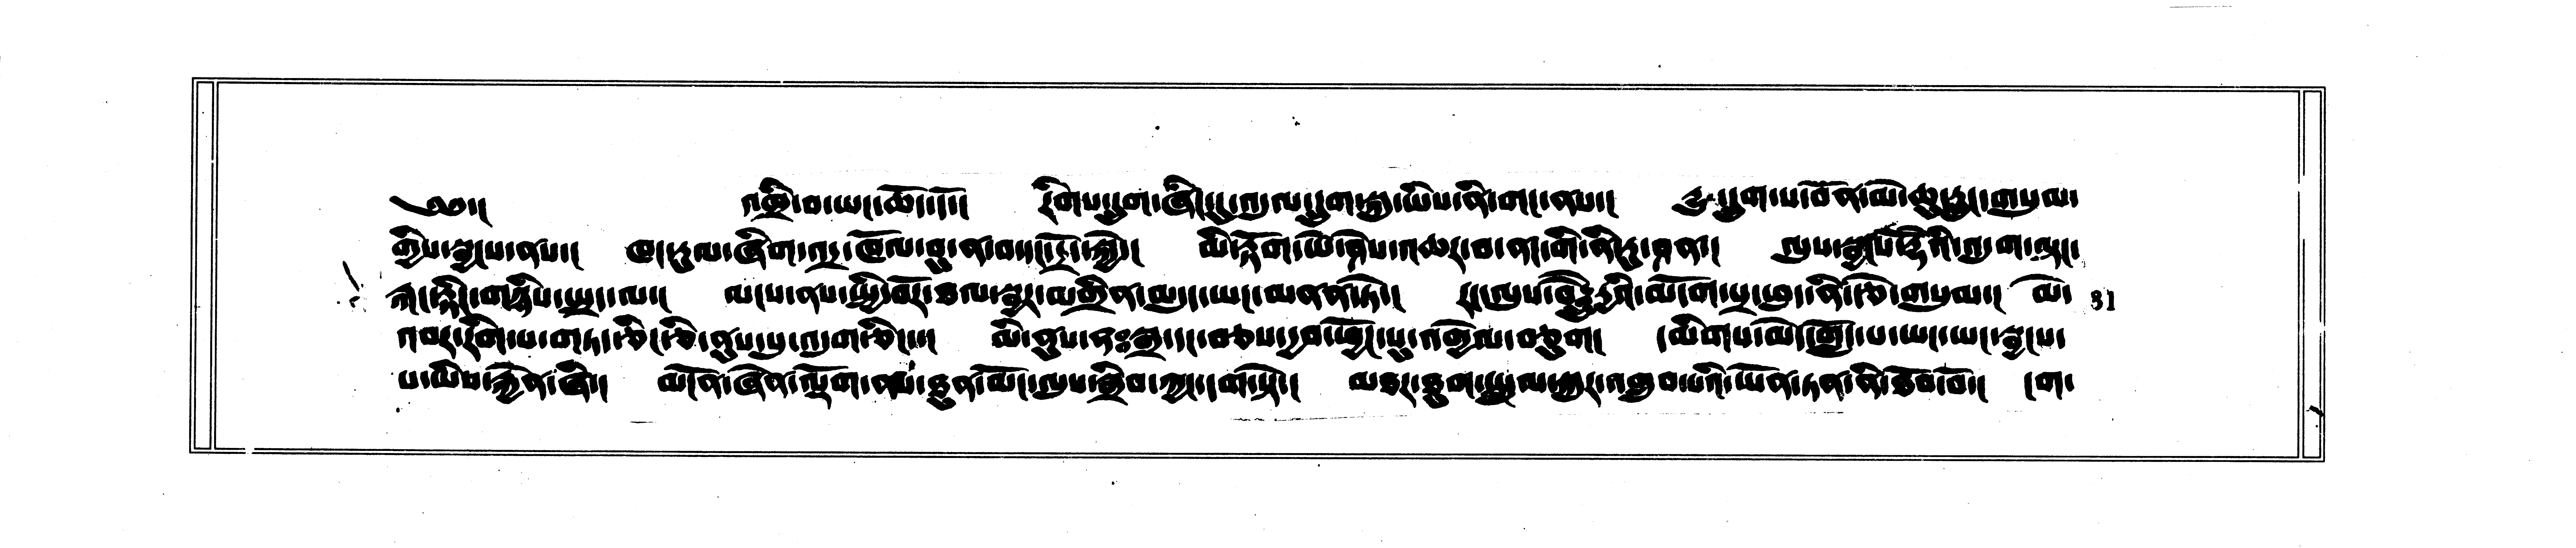འཁྲི་བ་ཡང་ཆོད་དོ། །རིགས་དྲུག་ཞིང་དུ་འདུལ་དྲུག་སྐུ་ཡིས་ནི་གང་ནས། །རྒྱུ་དྲུག་ས་བོན་མེ་ཆུ་རླུང་གསུམ་
གྱིས་སྦྱངས་ནས། །ཁང་རུལ་ཞིག་འདྲ་ཁོལ་བུ་ན་བ་དང་དྲོད་སྐྱེ། །མི་རྟོག་ཡེ་ཤེས་འཆར་བ་ནང་གི་ནི་རུ་ཤན། །ལུས་སྦྱང་རྡོ་རྗེའི་འདུག་སྟངས་
རྐང་རྟིང་གཉིས་སྤྲད་ལ། །ལངས་ནས་སྤྱི་བོར་ཐལ་སྦྱར་མགྲིན་མདུད་ཀྱང་མནན་ཏེ། །རང་ལུས་བཱཻཌཱུརྱའི་མདོག་པྲ་ཕུད་ནི་རྩེ་གསུམ། །མེ་
འབར་རིག་པ་གཏད་ཅིང་ཅི་ནུས་སུ་འདུག་ཅིང་། །མི་ནུས་ཧཿསྒྲ་དང་བཅས་རྒྱབ་ཕྱོགས་སུ་འགྱེལ་བཅུག །དམིགས་མེད་གློད་པ་ཡང་ཡང་སྦྱངས་
པ་ཡི་རྐྱེན་ཞི། །མངོན་ཞེན་ལྡོག་ནས་ཐུན་མོང་ལུས་སྒྲིབ་ཀྱང་དག་སྟེ། །མཐར་ཐུག་སྤྲུལ་སྐུར་འགྲུབ་པའི་ཡོན་ཏན་ནི་ཐོབ་བོ། །ངག་